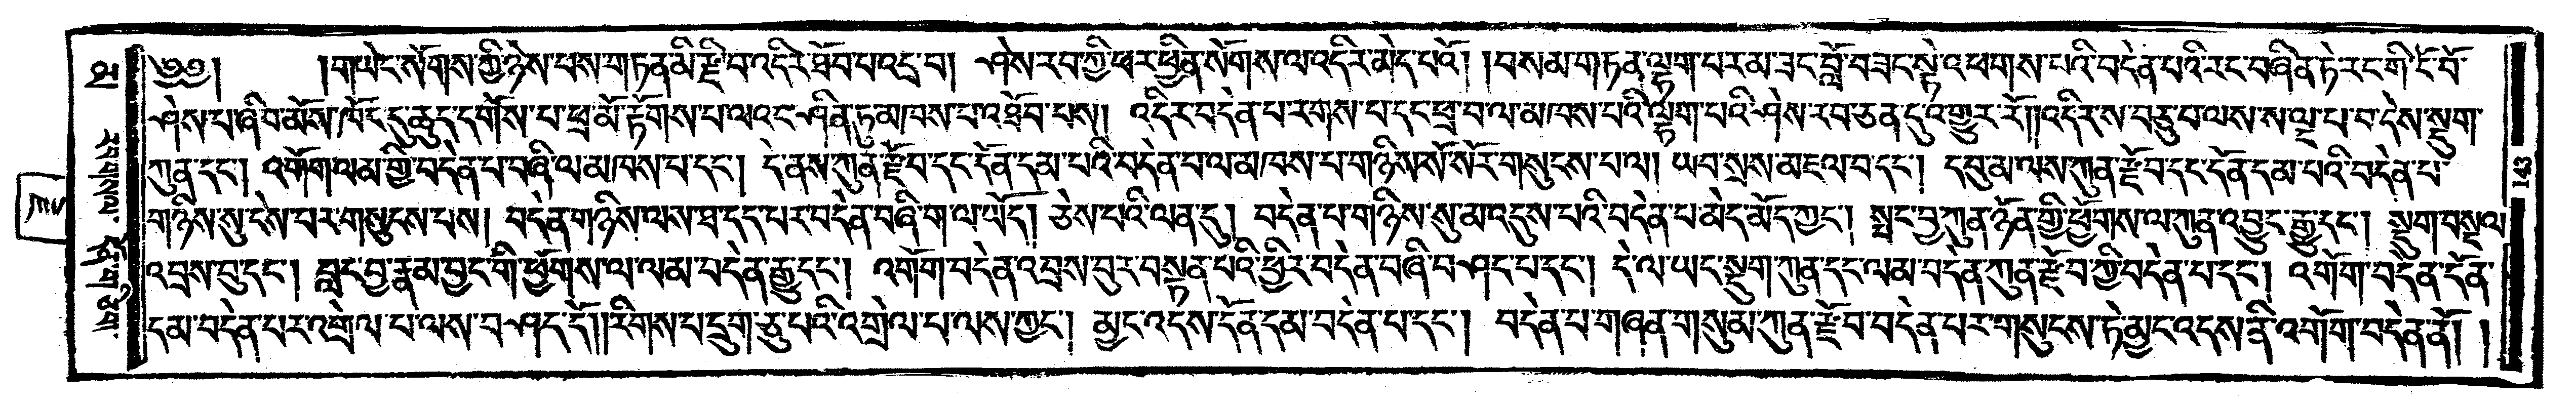༄༅། །གཡེང་སོགས་ཀྱི་ཉེས་པས་གཏན་མི་བརྫི་བ་འདིར་ཐོབ་པ་འདྲེ་བ། ཤེས་རབ་ཀྱི་ཕར་ཕྱིན་སོགས་ལ་འདིར་མེད་པའོ། །བསམ་གཏན་ལྷག་པར་མ་ཟད་བློ་བཟང་སྟེ་འཕགས་པའི་བདེན་པའི་རང་བཞིན་ཏེ་རང་གི་ངོ་བོ་
ཤེས་པ་ཞིབ་མོས་ཁོང་དུ་ཆུད་དགོས་པ་ཕྲ་མོ་རྟོགས་པ་ལའང་ཤིན་ཏུ་མཁས་པ་འཐོབ་པས། འདིར་བདེན་པ་རགས་པ་དང་ཕྲ་བ་ལ་མཁས་པའི་ལྷག་པའི་ཤེས་རབ་ཅན་དུ་འགྱུར་རོ། །འདིར་ས་བཅུ་པ་ལས་ས་ལྔ་པ་བ་དེས་སྡུག་
ཀུན་དང་། འགོག་ལམ་གྱི་བདེན་པ་བཞི་ལ་མཁས་པ་དང་། དེ་ནས་ཀུན་རྫོབ་དང་དོན་དམ་པའི་བདེན་པ་ལ་མཁས་པ་གཉིས་སོ་སོར་གསུངས་པ་ལ། ཡབ་སྲས་མཇལ་བ་དང་། དབུ་མ་ལས་ཀུན་རྫོབ་དང་དོན་དམ་པའི་བདེན་པ་
གཉིས་སུ་ངེས་པར་གསུངས་པས། བདེན་གཉིས་ལས་ཐ་དད་པར་བདེན་བཞི་ག་ལ་ཡོད། ཅེས་པའི་ལན་དུ། བདེན་པ་གཉིས་སུ་མ་འདུས་པའི་བདེན་པ་མེད་མོད་ཀྱང་། སྤང་བྱ་ཀུན་ཉོན་གྱི་ཕྱོགས་ལ་ཀུན་འབྱུང་རྒྱུ་དང་། སྡུག་བསྔལ་
འབྲས་བུ་དང་། བླང་བྱ་རྣམ་བྱང་གི་ཕྱོགས་ལ་ལམ་བདེན་རྒྱུ་དང་། འགོག་བདེན་འབྲས་བུར་བསྟན་པའི་ཕྱིར་བདེན་བཞི་བཤད་པ་དང་། དེ་ལ་ཡང་སྡུག་ཀུན་དང་ལམ་བདེན་ཀུན་རྫོབ་ཀྱི་བདེན་པ་དང་། འགོག་བདེན་དོན་
དམ་བདེན་པར་འགྲེལ་པ་ལས་བཤད་དོ། །རིགས་པ་དྲུག་ཅུ་པའི་འགྲེལ་པ་ལས་ཀྱང་། མྱང་འདས་དོན་དམ་བདེན་པ་དང་། བདེན་པ་གཞན་གསུམ་ཀུན་རྫོབ་བདེན་པར་གསུངས་ཏེ་མྱང་འདས་ནི་འགོག་བདེན་ནོ།།